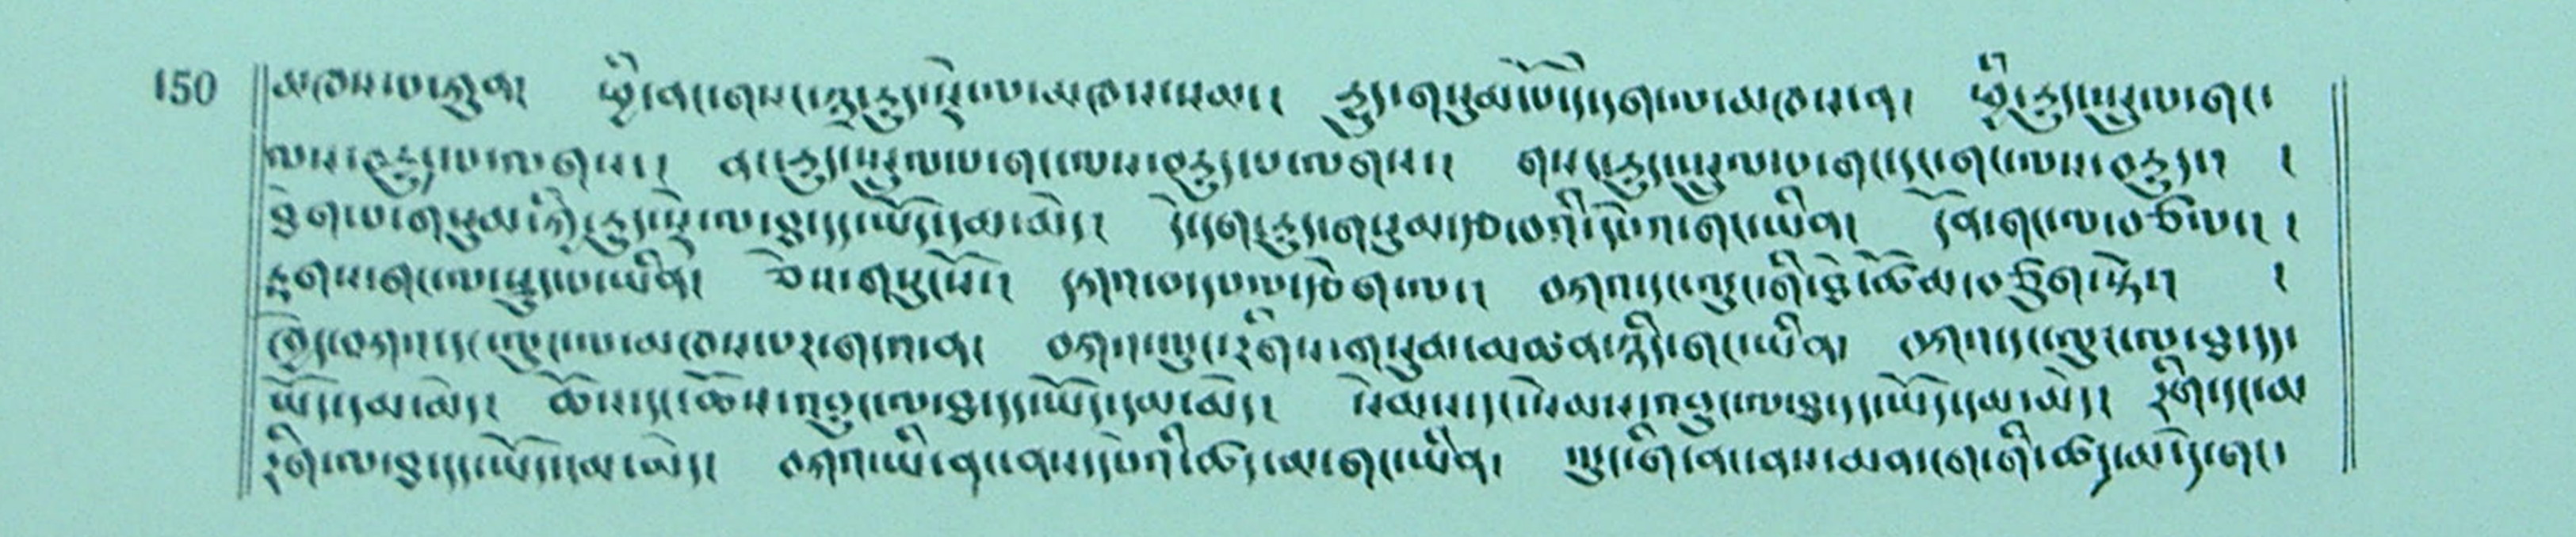མཁས་པ་ཀུན། ཕྱི་ནང་གསང་གསུམ་རྒྱུད་སྡེ་ལ་མཁས་སམ། རྒྱུད་གསུམ་པོ་དེ་དག་ལ་མཁས་ན། ཕྱི་རྒྱུད་སྤྲུལ་པའི་སྐུ་གང་
ལས་བརྒྱུད་པ་ལགས། ནང་རྒྱུད་སྤྲུལ་པ་གང་ལས་བརྒྱུད་པ་ལགས། གསང་རྒྱུད་སྤྲུལ་པ་གང་དང་གང་ལས་བརྒྱུད། 
ཐེག་པ་གསུམ་གྱི་རྒྱུད་སྡེ་ལ་ཐ་དད་ཡོད་དམ་མེད། དེ་དག་རྒྱུད་གསུམ་རྩ་བའི་དཔེའ་གང་ཡིན། དོན་གང་ལ་བཙལ། 
རྟགས་གང་ལ་སྡུད་པ་ཡིན། ཅེས་གསུངས་སོ། །ཀ་བ་དཔལ་བརྩེགས་ལ། བཀའ་དང་ལུང་གི་ཐེ་ཙོམ་བཙུགས་ཏེ། 
ཁྱེད་བཀའ་དང་ལུང་ལ་མཁས་པར་གདའ་ན། བཀའ་ལུང་རིགས་གསུམ་མཚན་ཉིད་གང་ཡིན། བཀའ་དང་ལུང་ལ་ཐ་དད་
ཡོད་དམ་མེད། ཆོས་དང་ཆོས་འབྱུང་ལ་ཐ་དད་ཡོད་དམ་མེད། སེམས་དང་སེམས་འབྱུང་ལ་ཐ་དད་ཡོད་དམ་མེད། རིག་དང་མ་
རིག་ལ་ཐ་དད་ཡོད་དམ་མེད། བཀའི་ནང་ནས་དཔེའི་ཚད་མ་གང་ཡིན། ལུང་གི་ནང་ནས་མན་ངག་གི་ཚད་མ་དེ་གང་